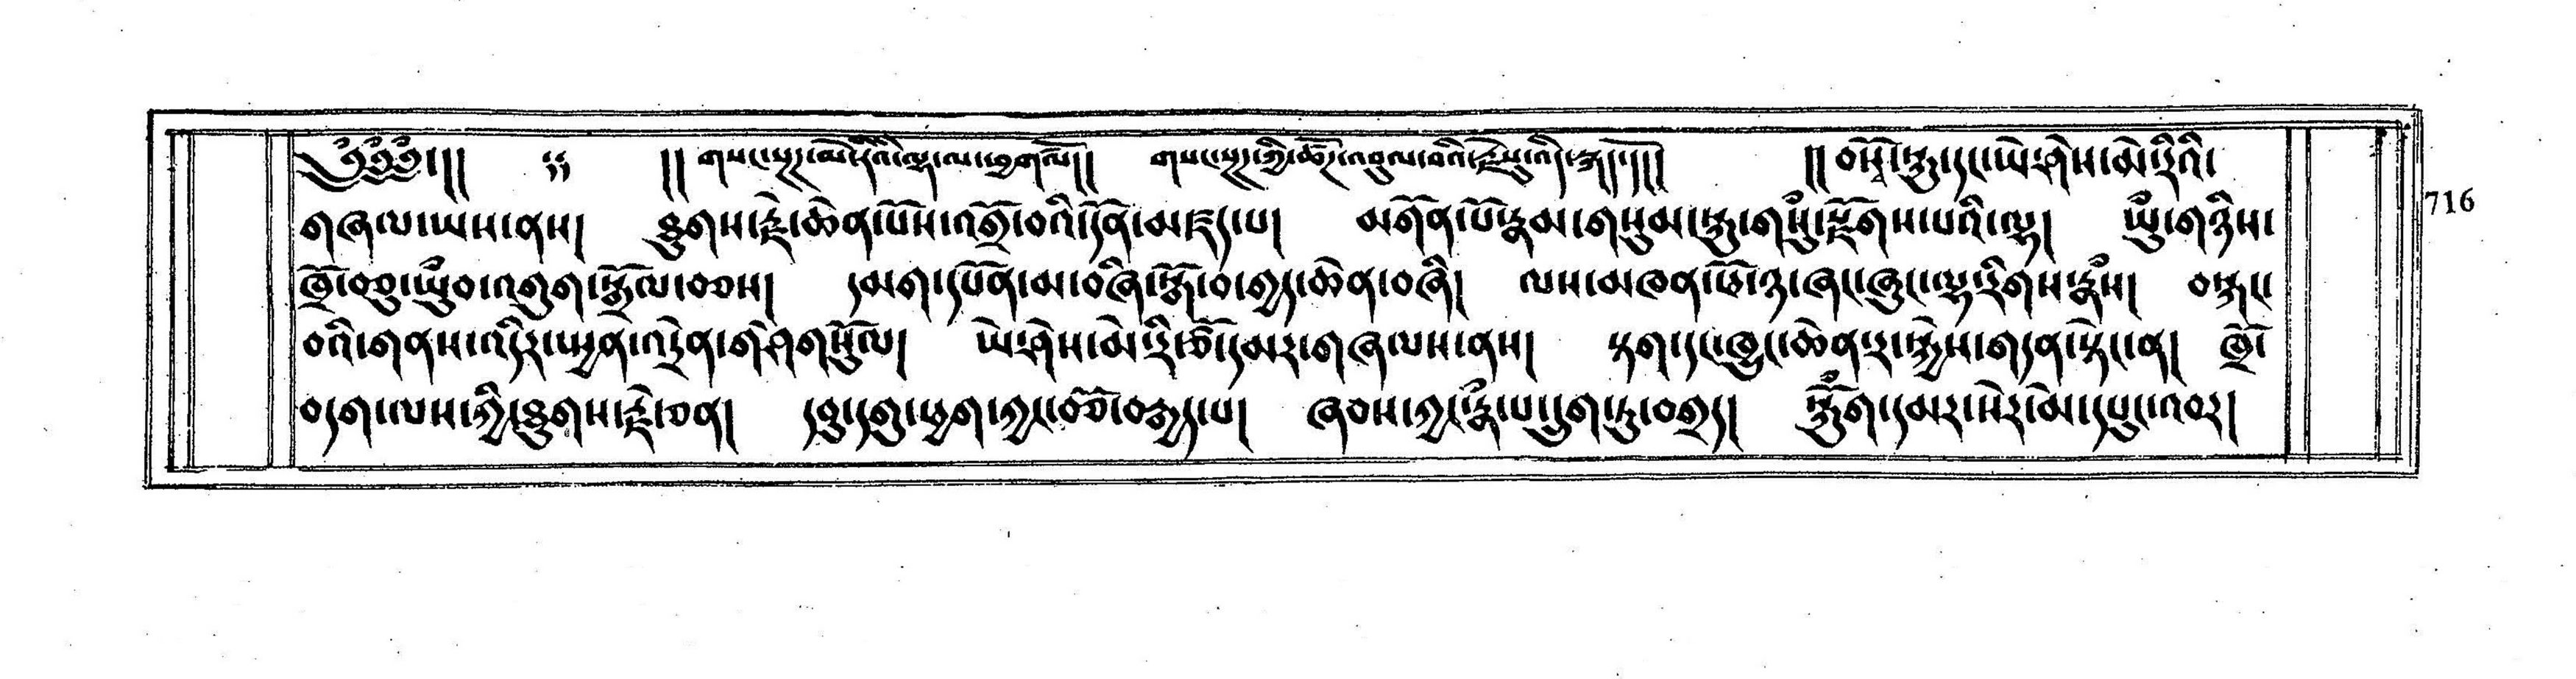༄༅༅།། །།གསང་སྔགས་མེ་རིའི་ལྷ་ལ་ཕྱག་འཚལ་ལོ།། གསང་སྔགས་ཀྱི་ཚོགས་འབུལ་བའི་རྗེས་སུ་འདི་སྐད་དོ།། །།བསྭོ་སྐུ་དང་ཡེ་ཤེས་མེ་རིའི་
གཞལ་ཡས་ནས། ཐུགས་རྗེ་ཆེན་པོས་འགྲོ་བའི་དོན་མཛད་པ། མགོན་པོ་རྣམ་གསུམ་སྐུ་གསུམ་རྫོགས་པའི་ལྷ། ཡུམ་གཉིས་
ཁྲོ་བཅུ་ཡབ་ཡུམ་འགུག་སྒྲོལ་བཅས། དམག་དཔོན་མ་བཞི་སྒོ་བ་གྱད་ཆེན་བཞི། ལས་མཁན་ཕོ་ཉ་ཞང་ཞུང་ལྷ་རིགས་རྣམས། བསྐང་
བའི་གནས་འདིར་སྤྱན་འདྲེན་གཤེགས་སུ་གསོལ། ཡེ་ཤེས་མེ་རི་ཙོ་དམར་གཞལ་ཡས་ནས། སྟག་དང་ཁྱུང་ཆེན་ར་སྐྱེས་གདན་སྟེང་ན། ཁྲོ་
བདག་ལས་ཀྱི་ཐུགས་རྗེ་ཅན། དབུ་དགུ་ཕྱག་ཀྱང་བཅོ་བརྒྱད་པ། ཞབས་ཀྱང་རྣམ་པ་དྲུག་ཏུ་བགྲད། སྐུ་མདོག་དམར་སེར་མེ་དཔུང་འབར།